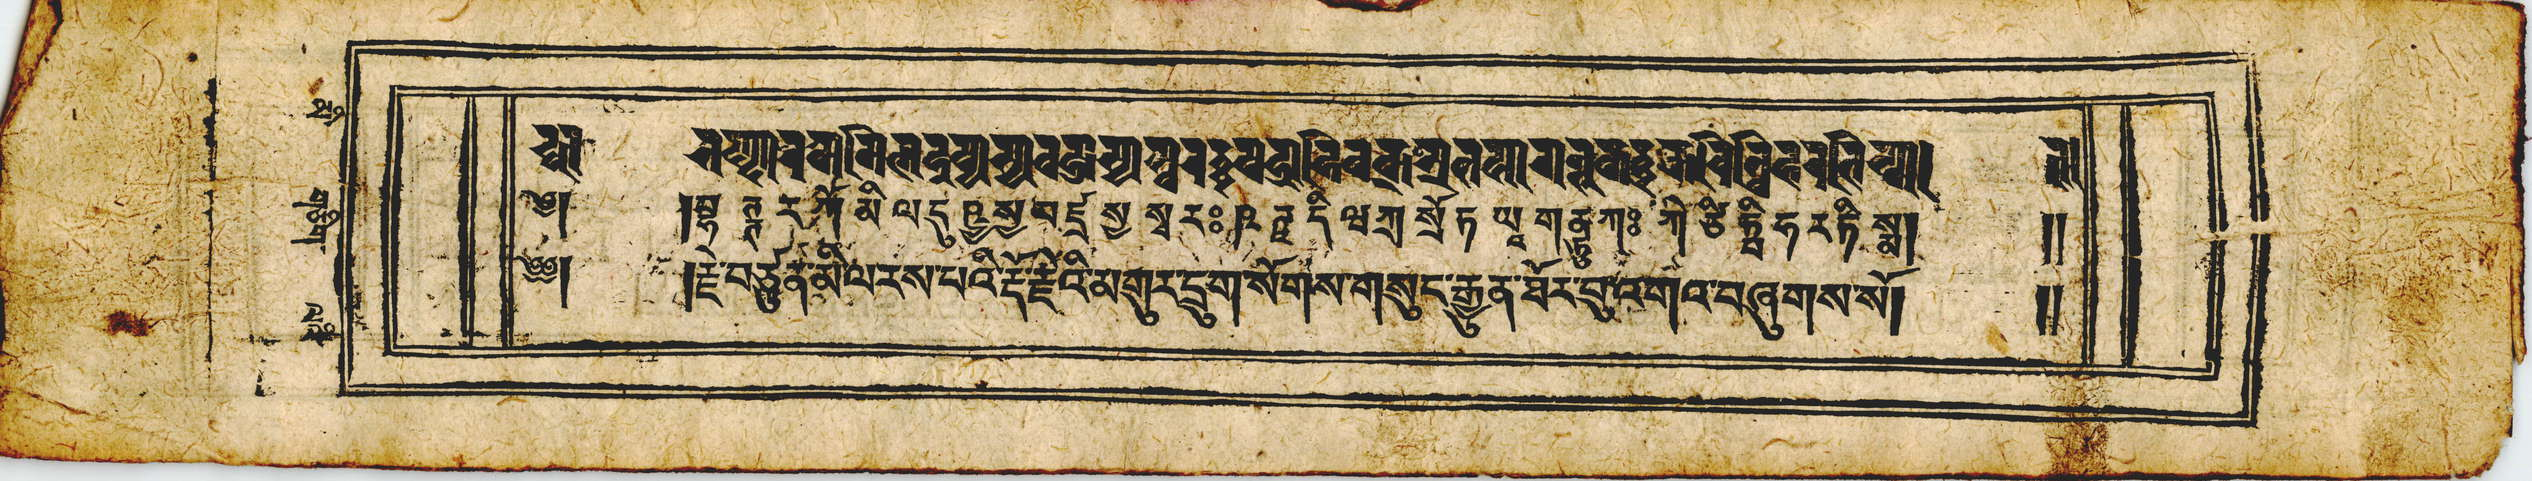༄༅། །རྗེ་བཙུན་མི་ལ་རས་པའི་རྡོ་རྗེའི་མགུར་དྲུག་སོགས་གསུང་རྒྱུན་ཐོར་བུ་འགའ་བཞུགས་སོ།